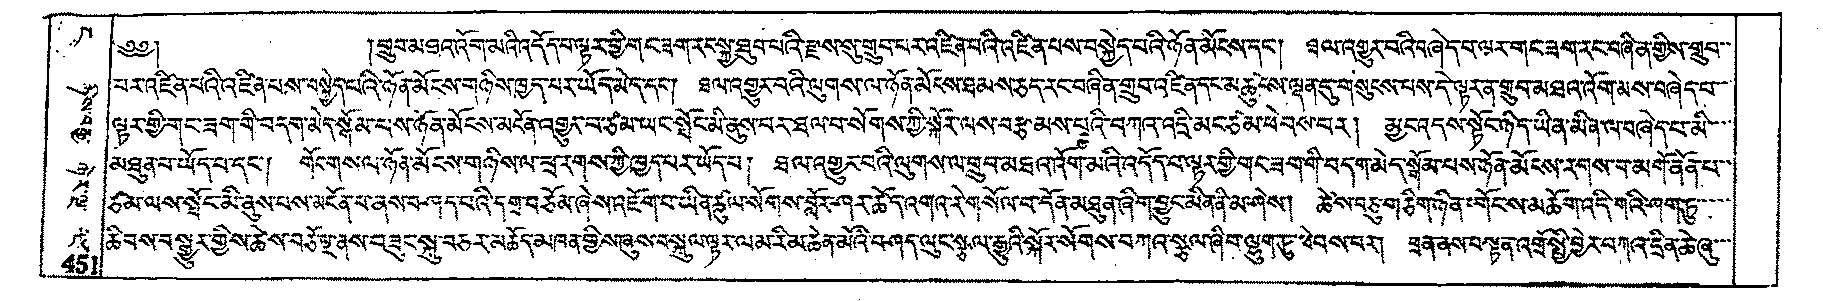༄༅། །གྲུབ་མཐའ་འོག་མའི་འདོད་པ་ལྟར་གྱི་གང་ཟག་རང་སྐྱ་ཐུབ་པའི་རྫས་སུ་གྲུབ་པར་འཛིན་པའི་འཛིན་པས་བསྐྱེད་པའི་ཉོན་མོངས་དང་། ཐལ་འགྱུར་བའི་བཞེད་པ་ལྟར་གང་ཟག་རང་བཞིན་གྱིས་གྲུབ་
པར་འཛིན་པའི་འཛིན་པས་བསྐྱེད་པའི་ཉོན་མོངས་གཉིས་ཁྱད་པར་ཡོད་མེད་དང་། ཐལ་འགྱུར་བའི་ལུགས་ལ་ཉོན་མོངས་ཐམས་ཅད་རང་བཞིན་གྲུབ་འཛིན་དང་མཚུངས་ལྡན་དུ་གསུངས་པས་དེ་ལྟར་ན་གྲུབ་མཐའ་འོག་མས་བཞེད་པ་
ལྟར་གྱི་གང་ཟག་གི་བདག་མེད་སྒོམ་པས་ཉོན་མོངས་མངོན་འགྱུར་བ་རྩམ་ཡང་སྤོང་མི་ནུས་པར་ཐལ་བ་སོགས་ཀྱི་སྐོར་ལས་བརྩམས་པའི་བཀའ་འདྲི་མང་ཙམ་ཕེབས་པར། མྱང་འདས་སྟོང་ཉིད་ཡིན་མིན་ལ་བཞེད་པ་མི་
མཐུན་པ་ཡོད་པ་དང་། གོང་གསལ་ཉོན་མོངས་གཉིས་ལ་ཕྲ་རགས་ཀྱི་ཁྱད་པར་ཡོད་པ། ཐལ་འགྱུར་བའི་ལུགས་ལ་གྲུབ་མཐའ་འོག་མའི་འདོད་པ་ལྟར་གྱི་གང་ཟག་གི་བདག་མེད་སྒོམ་པས་ཉོན་མོངས་རགས་པ་མགོ་ནོན་པ་
ཙམ་ལས་སྤོང་མི་ནུས་པས་མངོན་པ་ནས་བཤད་པའི་དགྲ་བཅོམ་ཞེས་འཇོག་པ་ཡིན་ཚུལ་སོགས་བློར་ཤར་ཚོད་འགའ་རེ་གསོལ་བ་དོན་མཐུན་ཞིག་བྱུང་མིན་ནི་མ་ཤེས། ཚེས་བཅུ་གཅིག་ཉིན་༧གོང་ས་མཆོག་འདི་གའི་ཤག་ཏུ་
ཆིབས་བསྒྱུར་གྱིས་ཚེས་བཅོ་ལྔ་ནས་བཟུང་སྐུ་བཅར་མཆོད་མཁན་གྱིས་ཞུས་བསྐུལ་ལྟར་ལམ་རིམ་ཆེན་མོའི་བཤད་ལུང་སྩལ་རྒྱུའི་སྐོར་སོགས་བཀའ་སྩལ་ཞིབ་ལྷུག་ཏུ་ཕེབས་པར། ཕྲན་ནས་བསྟན་འགྲོ་སྤྱི་བྱེར་བཀའ་དྲིན་ཆེ་ཞུ་